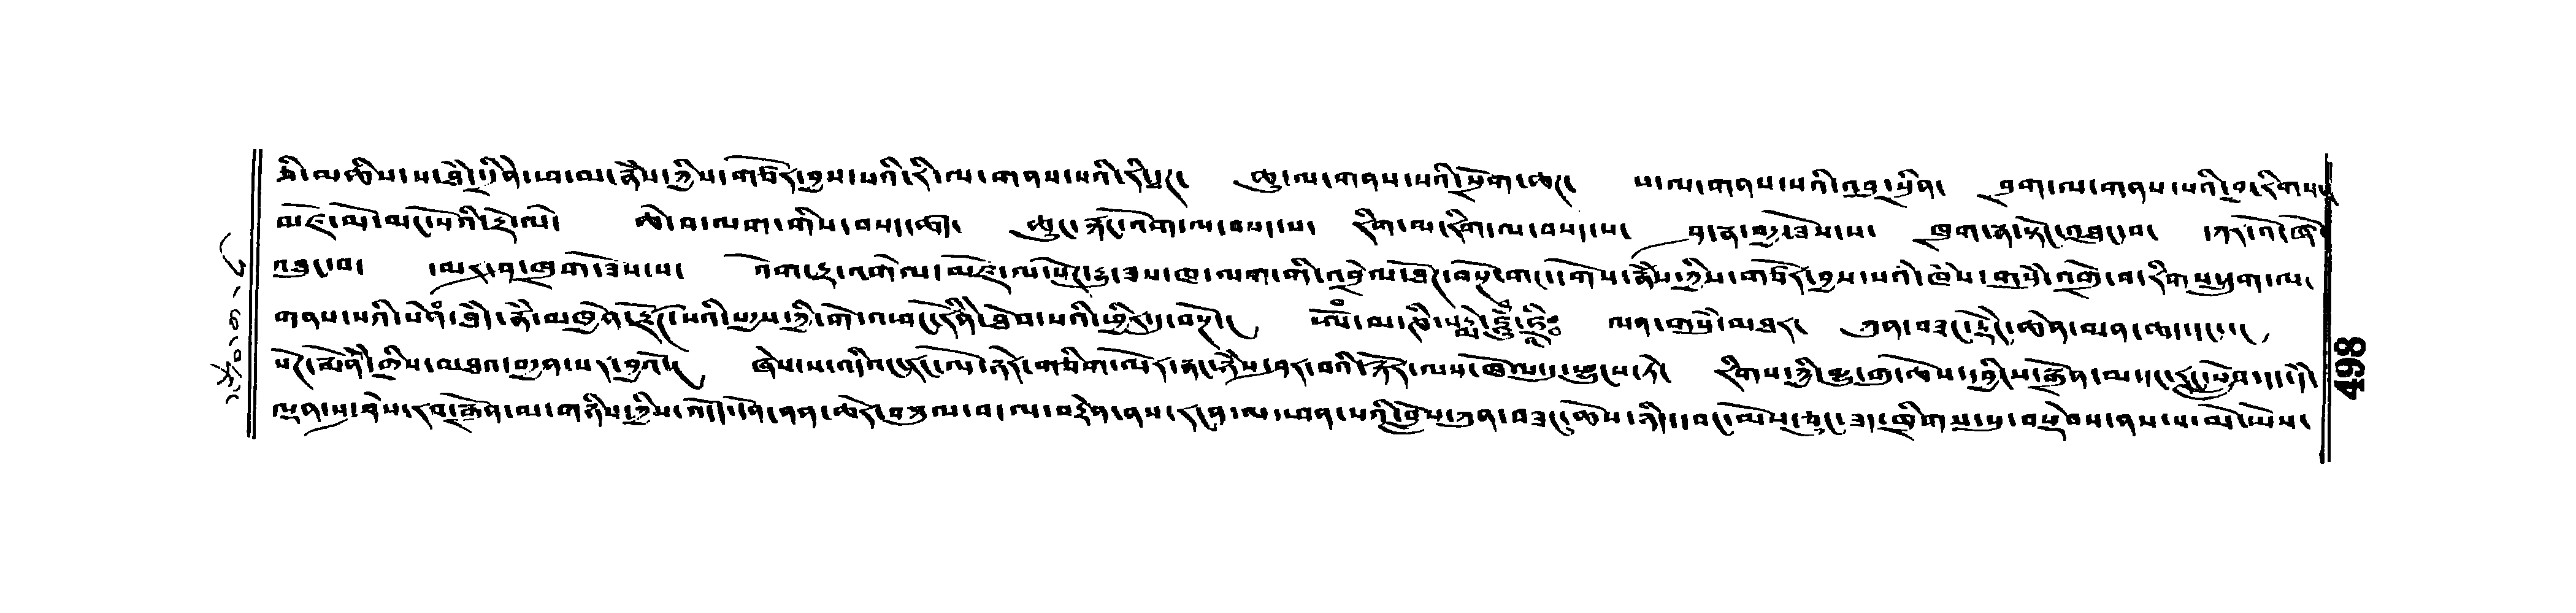ཅི་མཆིས་པ་ཐམས་ཅད་དྲིན་ཆེན་ཕ་མ་རྣམས་ཀྱིས་གཙོར་བྱས་པའི་རི་ལ་གནས་པའི་རི་དྭགས། ཆུ་ལ་གནས་པའི་སྲོག་ཆགས། ས་ལ་གནས་པའི་འབུ་སྲིན། བྲག་ལ་གནས་པའི་བྱ་རིགས། 
མཛོ་མོ་མང་པོའི་རྟོ་ལེ། ཆེ་བ་ལག་གིས་བསད་ཚད། ཆུང་རྐང་འོག་ལ་བསད་པ། རིག་མ་རིག་ལ་བསད་པ། ཤ་སྣ་བརྒྱ་ཟོས་པ། ཁྲག་སྣ་སྟོང་འཐུང་བ། དཀར་འོ་ཞོ་
འཐུང་བ། དམར་ཤ་ཁྲག་ཟོས་པ། འོག་རྟ་འགེལ་མཛོ་ལ་སོགས་རྒྱུ་ཟས་ཁ་ལག་གི་འབྲེལ་ཐོགས་བསྔོ་གང་དགོས་རྣམས་ཀྱིས་གཙོར་བྱས་པའི་ཁམས་གསུམ་འགྲོ་བ་རིགས་དྲུག་ལ་
གནས་པའི་སེམས་ཅན་ཐམས་ཅད་རྣམ་མཁྱེན་རྫོགས་པའི་སངས་རྒྱས་ཀྱི་གོ་འཕང་རིན་པོ་ཆེ་ཐོབ་པའི་ཕྱིར་དུ་བསྔོ། ཨོཾ་མ་ཎི་པདྨེ་ཧཱུྃ་ཧྲཱིཿལན་གསུམ་མཐར། ཀུན་བཟང་རྡོ་རྗེ་འཆང་ཆེན་མན་ཆད་དང་། 
སོགས་སྨོན་ལམ་གྱིས་མཐའ་བརྒྱན་པར་བྱའོ། ཞེས་པ་འདིའང་རང་ལོ་ཉེར་གཅིག་ལོར་སྣང་ཉམས་ཤར་བའི་སྐོར་ལས་ཁོལ་དུ་ཕྱུངས་ཏེ། རིགས་ཀྱི་མྱུ་གུ་ཆོས་དབྱིངས་སྒྲོན་མ་དང་རང་སློབ་དད་དམ་
ལྡན་པ་ཤེས་རབ་སྒྲོན་མ་གཉིས་ཀྱིས་འདོད་དོན་ནན་ཆེར་བསྐུལ་བ་ལ་བརྟེན་ནས་རང་གཞན་ལ་ཕན་པའི་བློས་ཀུན་བཟང་ཆོས་ཉིད་དབང་མོས་ཅུང་ཟད་ཁྲིགས་སུ་བསྡེབས་ནས་ས་མོ་ཡོས་